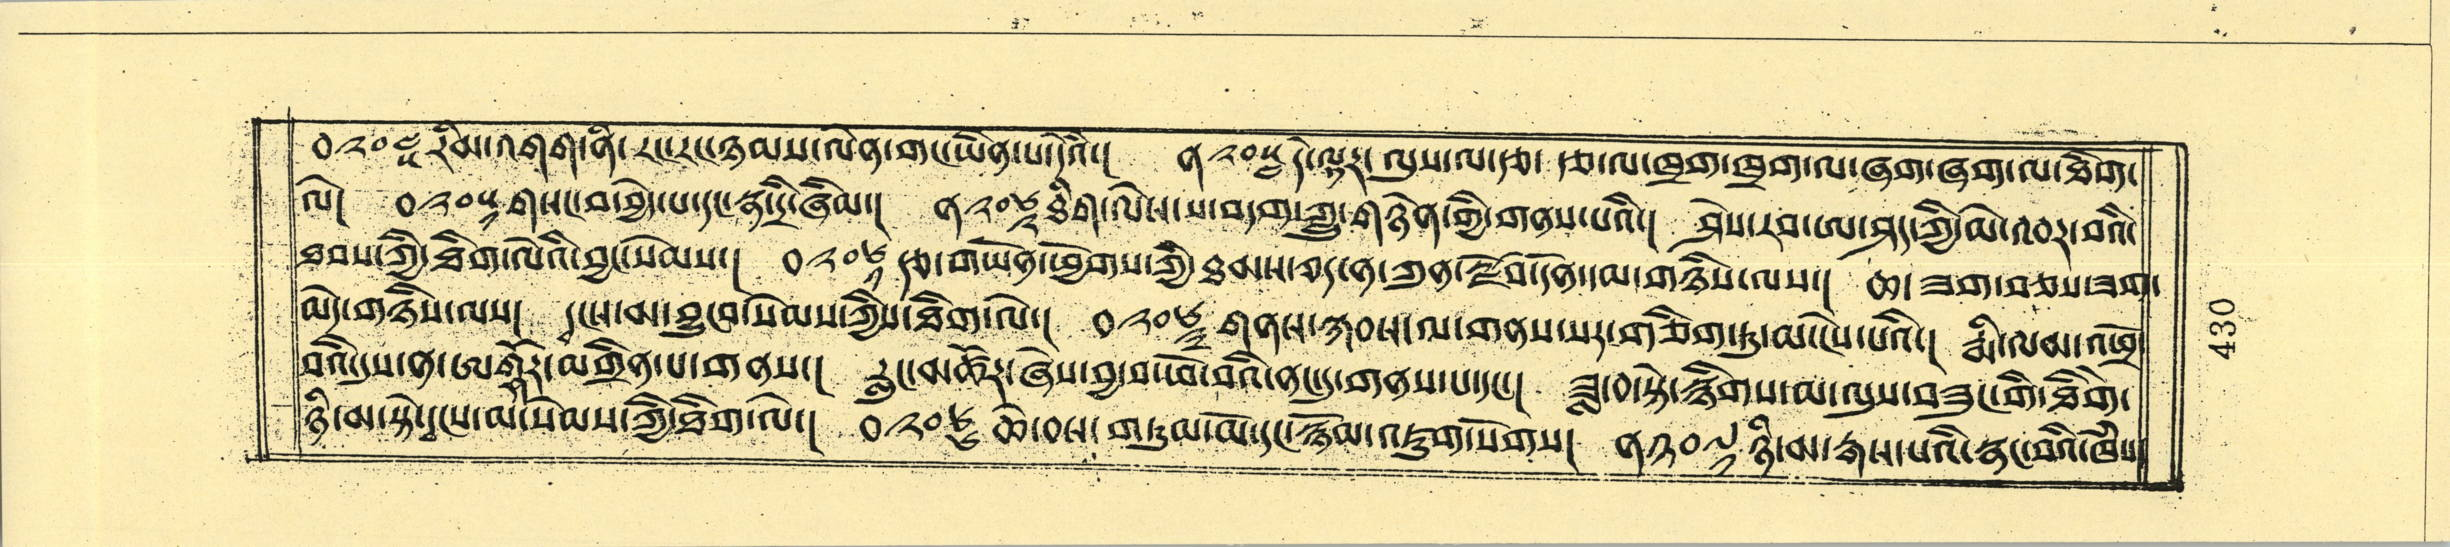བ༣༠༤།༥༼རིམ་འགག་ནི༽རང་རང་ཉམས་ལེན་གང་ཡིན་པ་དེའི་ན༢༠༥།༤༼དེ་ལྟར༽ལུས་ལ་རྩ་རྩ་ལ་ཁྲག་ཁྲག་ལ་ཞག་ཞག་ལ་ཐིག་
ལེ་ ༢༠༥།༡༼གསང་བ༽བྱེད་པ་དང་སྣ་དྲི་ཞིམ་ན༢༠༦།༢༼ཐིག་ལེས༽ས་བདག་ཀླུ་༼གཉན༽གྱི་གནས་པའི་ཤེས་རབ་ཨ་ཤད་ཀྱི་མེ་༼འབར༽བའི་
ཐབས་ཀྱི་ཐིག་ལེའི་བྱང་སེམས་བ༢༠༦།༡༼རྩ༽གཡོན་ཕྱོགས་ཀྱི་༼ཐམས་ཅད་ན༽ཀུན་རྫོབ་དོན་དམ་གཉིས་ལས་༼ཆ༽ཟག་བཅས་ཟག་
མེད་གཉིས་ལས་དྭངས་མ་བྱང་ཆུབ་སེམས་ཀྱི་ཐིག་ལེ་བ༢༠༦།༣༼གནས་སྐབས༽ལ་གནས་སར་གཅིག་ཏུ་མ་ངེས་པའི་༼རྨི་ལམ༽འཕྲོ་
བའི་དུས་ན་༼ཨགྴོར༽མགྲིན་པ་གནས་༼རླུང་མཚོར༽ཞེས་བྱ་བ་ཕོ་བའི་ནང་དུ་གནས་པ་དང་། ཟླ་བ་སྟེ་སྙིགས་མ་ལུས་བཟུང་གི་ཐིག་ལེ་
ཉི་མ་སྟེ་དྭངས་མ་སེམས་ཀྱི་ཐིག་ལེ་བ༢༠༦།༦༼ཆེ་བས༽གཏུམ་མོ་དང་སྙོམས་འཇུག་སོགས་ན༢༠༧།༡༼ཉི་མ་རྒས་པའི༽སྣང་བའི་ཁམས་